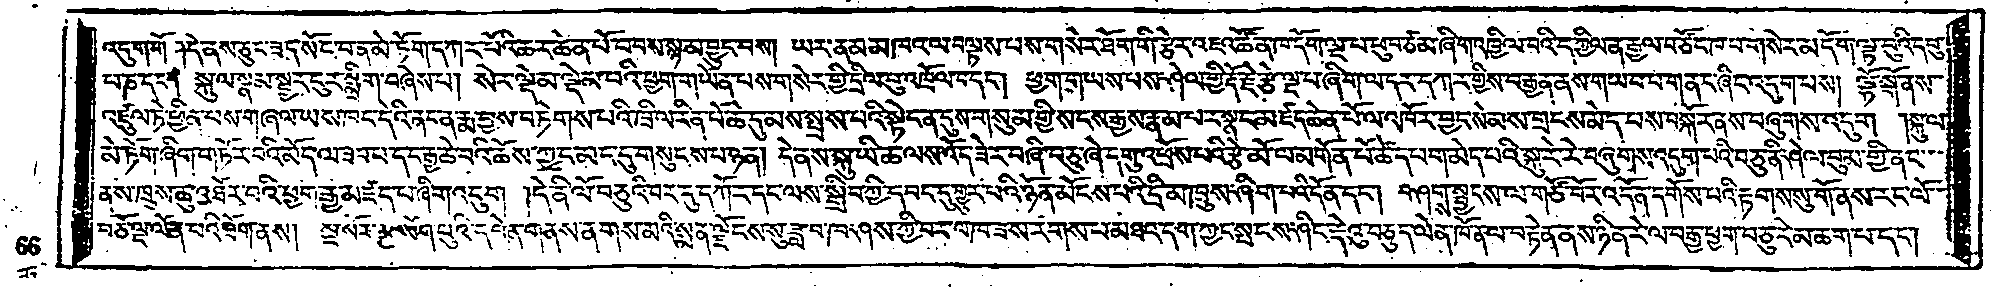འདུག་གོ །དེ་ནས་ཅུང་ཟད་སོང་བ་ན་མེ་ཏོག་དཀར་པོའི་ཆར་ཆེན་པོ་བབས་སྙམ་བྱུང་བས། ཡར་ནམ་མཁའ་ལ་བལྟས་པས་གསེར་ཐོག་གི་རྩེར་འཇའ་ཚོན་ཁ་དོག་ལྔ་པ་ཕུབ་ཙམ་ཞིག་འཁྱིལ་བའི་དཀྱིལ་ན་རྒྱལ་བ་ཙོང་ཁ་པ་གསེར་མདོག་ལྟ་བུའི་དབུ་
པཎ་དང་། སྐུ་ལ་སྣམ་སྦྱར་ངུར་སྨྲིག་བཞེས་པ། སེར་ལྡེམ་ལྡེམ་པའི་ཕྱག་གཡོན་པས་གསེར་གྱི་དྲིལ་བུ་འཁྲོལ་བ་དང་། ཕྱག་གཡས་པས་ཤེལ་གྱི་རྡོ་རྗེ་རྩེ་ལྔ་པ་ཞིག་ལ་དར་དཀར་གྱིས་བརྒྱན་ནས་གཡབ་པ་གནང་ཞིང་འདུག་པས། ལྷོ་སྒོ་ནས་
འཛུལ་ཏེ་ཕྱིན་པས་གཞལ་ཡས་ཁང་དེའི་ནང་ན་རྨ་བྱས་བཏེགས་པའི་ཁྲི་ལ་རིན་པོ་ཆེ་དུ་མས་སྤྲས་པའི་སྟེང་ན་དུས་གསུམ་གྱི་སངས་རྒྱས་རྣམ་པར་སྣང་མཛད་ཆེན་པོ་ལ་འཁོར་བྱང་སེམས་གྲངས་མེད་པས་བསྐོར་ནས་བཞུགས་འདུག །སྐུ་ལ་
མེ་ཏོག་ཞིག་གཏོར་བའི་མོད་ལ་ཟབ་པ་དང་རྒྱ་ཆེ་བའི་ཆོས་ཀྱང་མང་དུ་གསུངས་པ་ཉན། དེ་ནས་སྐུ་ཡི་ཆ་ལས་འོད་ཟེར་བཞི་བཅུ་ཞེ་དགུ་འཕྲོས་པའི་རྩེ་མོ་ལ་མགོན་པོ་ཚེ་དཔག་མེད་པའི་སྐུ་རེ་རེ་བཞུགས་འདུག་པའི་བཅུ་ནི་ཤེལ་བུམ་གྱི་ནང་
ནས་ཁྲུས་ཆུ་འཐོར་བའི་ཕྱག་རྒྱ་མཛད་པ་ཞིག་འདུག །དེ་ནི་ལོ་བཅུའི་བར་དུ་དཀོར་དང་ལས་སྒྲིབ་ཀྱི་དབང་དུ་གྱུར་པའི་ཉོན་མོངས་པའི་དྲི་མ་ཁྲུས་ཤིག་པའི་དོན་དང་། བཤགས་སྦྱངས་ལ་གཙོ་བོར་འདོན་དགོས་པའི་རྟགས་སུ་གོ་ནས་རང་ལོ་
བཅོ་ལྔ་ལོན་པའི་ཐོག་ནས། སྔ་སོར་མྱ་?་ཐོག་?་པུའི་དབེན་གནས་ནགས་མའི་སྨན་ལྗོངས་སུ་ཟླ་བ་ཁ་ཤས་ཀྱི་བར་ལ་ཁ་ཟས་རིགས་པ་མཐའ་དག་ཀྱང་སྤངས་ཤིང་རྡེའུ་བཅུད་ལེན་ཁོ་ན་ལ་བརྟེན་ནས་ཉིན་རེ་ལ་བརྒྱ་ཕྱག་བཅུ་རེ་མ་ཆག་པ་དང་།